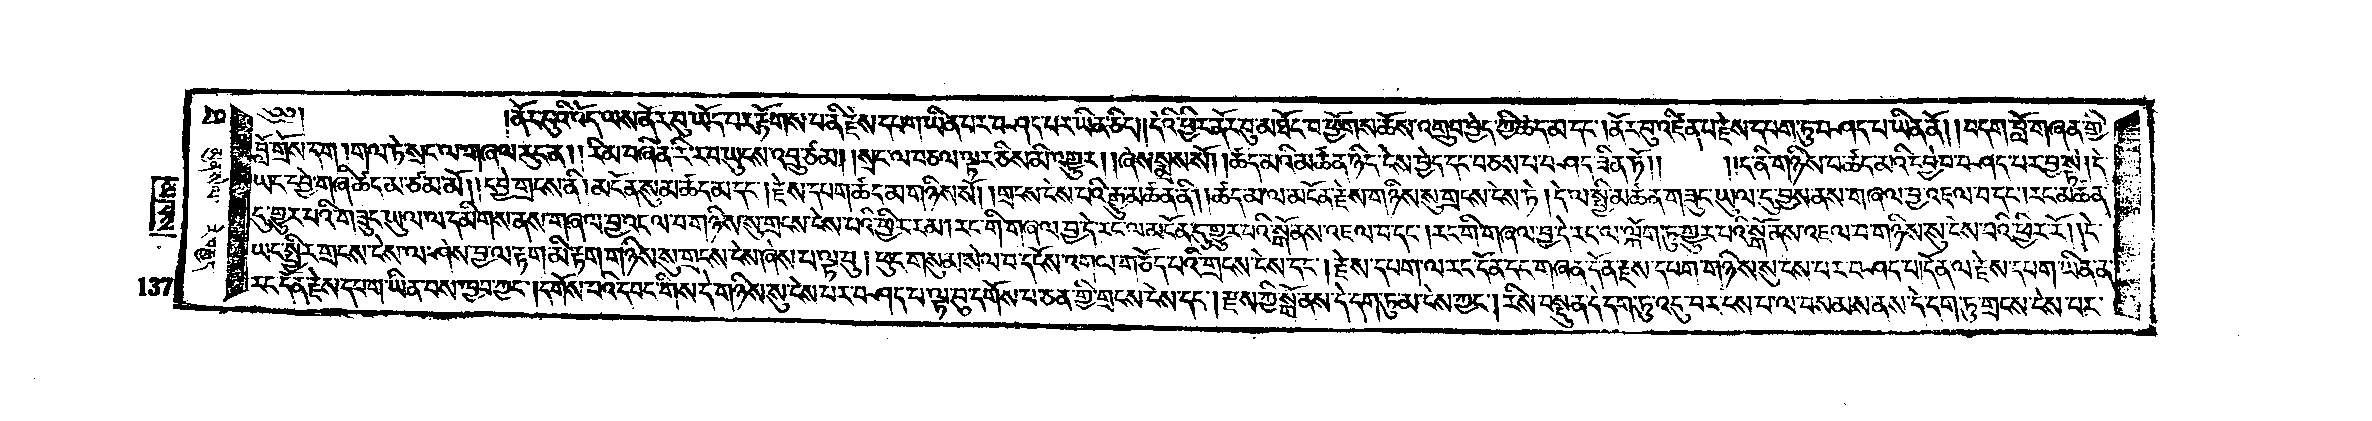༄༅། །ནོར་བུའི་འོད་ལས་ནོར་བུ་ཡོད་པར་རྟོགས་པ་ནི་རྗེས་དཔག་ཡིན་པར་བཤད་པར་ཡིན་ཅིང་། དེའི་ཕྱིར་ནར་བུ་མཐོང་བ་ཕྱོགས་ཆོས་འགྲུབ་བྱེད་ཀྱི་ཚད་མ་དང་། ནོར་བུ་འཛིན་པ་རྗེས་དཔག་ཏུ་བཤད་པ་ཡིན་ནོ། །བདག་བློ་གཞན་གྱི་
བློ་གྲོས་དག། གལ་ཏེ་སྲང་ལ་གཞལ་རུང་ན། །རིམ་བཞིན་རི་ར་བ་ཡུངས་འབྲུ་ཙམ། །སྲང་ལ་བཅལ་ལྟར་ཅིས་མི་འགྱུར། །ཞེས་སྨྲས་སོ། །ཚད་མའི་མཚན་ཉིད་ངེས་བྱེད་དང་བཅས་པ་བཤད་ཟིན་ཏོ།། །།དེ་ནི་གཉིས་པ་ཚད་མའི་དབྱེ་བ་བཤད་པར་བྱ་སྟེ། དེ་
ཡང་དབྱེ་གཞི་ཚད་མ་ཅམ་མོ། །དབྱེ་གྲངས་ནི། མངོན་སུམ་ཚད་མ་དང་། རྗེས་དཔག་ཚད་མ་གཉིས་སོ། །གྲངས་ངེས་པའི་རྒྱུ་མཚན་ནི། །ཚད་མ་ལ་མངོན་རྗེས་གཉིས་སུ་གྲངས་ངེས་ཏེ། དེ་ལ་སྤྱི་མཚན་གཟུང་ཡུལ་དུ་བྱས་ནས་གཞལ་བྱ་འཇལ་བ་དང་། རང་མཚན་
དུ་གྱུར་པའི་གཟུང་ཡུལ་ལ་དམིགས་ནས་གཞལ་བྱ་འང་ལ་བ་གཉིས་སུ་གྲངས་ངེས་པའི་ཕྱིར་རམ། རང་གི་གཞལ་བྱ་དེ་རང་ལ་མངོན་དུ་གྱུར་པའི་སྒོ་ནས་འཇལ་བ་དང་། རང་གི་གཞལ་བྱ་དེ་རང་ལ་ལྐོག་ཏུ་གྱུར་པའི་སྒོ་ནས་འཇལ་བ་གཉིས་སུ་ངེས་པའི་ཕྱིར་རོ། །དེ་
ཡང་སྤྱིར་གྲངས་ངེས་ལ་ཤེས་བྱ་ལ་རྟག་མི་རྟག་གཉིས་སུ་གྲངས་ངེས་ཞེས་པ་ལྟ་བུ། ཕུང་གསུམ་སེལ་བ་དངོས་འགལ་གཅོད་པའི་གྲངས་ངེས་དང་། རྗེས་དཔག་ལ་རང་དོན་དང་གཞན་དོན་རྗེས་དཔག་གཉིས་སུ་ངེས་པར་བཤད་པ། དོན་ལ་རྗེས་དཔག་ཡིན་ན་
རང་དོན་རྗེས་དཔག་ཡིན་བས་ཁྱབ་ཀྱང་། དགོས་པའི་དབང་གིས་དེ་གཉིས་སུ་ངེས་པར་བཤད་པ་ལྟ་བུ་དགོས་པ་ཅན་གྱི་གྲངས་ངེས་དང་། རྫས་ཀྱི་སྒོ་ནས་དེ་དག་ཏུ་མ་ངེས་ཀྱང་། རིས་བསྡུ་ན་དེ་དག་ཏུ་འདུ་བར་ངེས་པ་ལ་བསམས་ནས་དེ་དག་ཏུ་གྲངས་ངེས་པར་